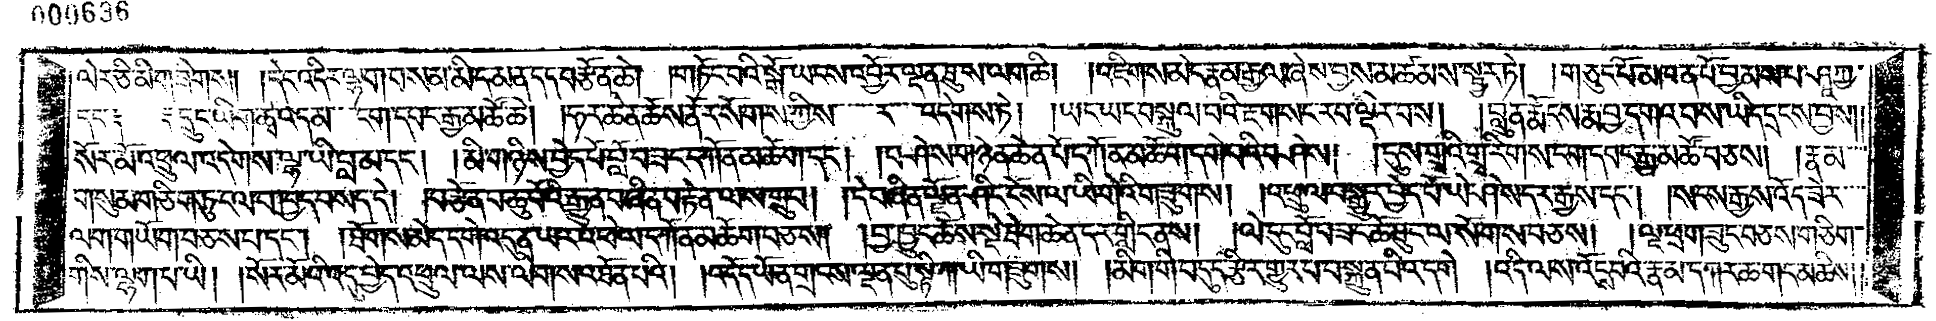ལེར་ཅི་མི་གཟིགས། །དེང་འདིར་ལྷག་བསམ་མི་དམན་དད་བརྩོན་ཆེ། །གཏོང་བའི་སྒོ་ཡངས་འབྱོར་ལྡན་ཐུས་ལག་ཆི། །འཇིགས་མེད་རྣམ་རྒྱལ་ཞེས་བྱས་མཚམས་སྦྱར་ཏེ། །གཅུང་པོ་མཁན་པོ་བྱམས་པ་ཤཱཀྱ་
དང༑ ༑དྲུང་ཡིག་ཚྭ་འདམ་ངག་དབང་རྒྱ་མཚོ་ཆེ། །ཧར་ཆེན་ཆོས་ནོར་སོགས་ཀྱིས་ར་འདེགས་ཏེ། །ཡང་ཡང་བསྐུལ་བའི་རྔ་གསང་རབ་ལྡེར་བས། །བླུན་རྨོངས་རྨ་བྱ་དགའ་བས་ཡིད་དྲངས་བྱས། །
སོར་མོ་འཕྲུལ་འདེགས་ལྷ་ཡི་བླ་མ་དང་། །མི་གཉིས་བྱེད་པོ་བློ་བཟང་དཀོན་མཆོག་དང་། །བཤེས་གཉེན་ཆེན་པོ་དཀོན་མཆོག་དགེ་བའི་བཤེས། །དུས་གྲྭའི་གྲྭ་རིགས་ངག་དབང་རྒྱ་མཚོ་བཅས། །རྣམ་
གསུམ་གཅིག་ཏུ་ངལ་བ་ཁྱད་བསད་དེ། །བརྩོན་པ་ཆུ་བོའི་རྒྱུན་བཞིན་བརྟེན་ལས་གྲུབ། །དེ་བཞིན་ལྗོན་ཤིང་ངོས་ལ་ཡི་གེའི་གཟུགས། །འཕྲུལ་བསྒྱུར་བྱེད་པོ་ཡེ་ཤེས་དར་རྒྱས་དང་། །སངས་རྒྱས་འོད་ཟེར་
ལག་གཡོག་བཅས་པ་དང་། །ཐོགས་མེད་དགེ་འདུན་ཡར་འཕེལ་དཀོན་མཆོག་བཅས། །བྱ་ཁྱུང་ཆོས་སྡེ་ཐེག་ཆེན་དར་གླིང་ནས། །ལེ་དུང་བློ་བཟང་ཆོ་ཐུང་ལ་སོགས་བཅས། །ལྔ་ཕྲག་ཟུང་བཅས་གཅིག་
གིས་ལྷག་པ་ཡི། །སོར་མོའི་འདུ་བྱེད་འཕྲུལ་ལས་ལེགས་འཐོན་པའི། །འདོད་ཡོན་གྲངས་ལྡན་པུ་སྟི་ཀ་ཡི་གཟུགས། །མིག་གི་བདུད་རྩིར་གྱུར་པ་བསྐྲུན་པའི་དགེ །འདི་ལས་འོངས་བའི་རྣམ་དཀར་ཆ་གང་མཆིས། །